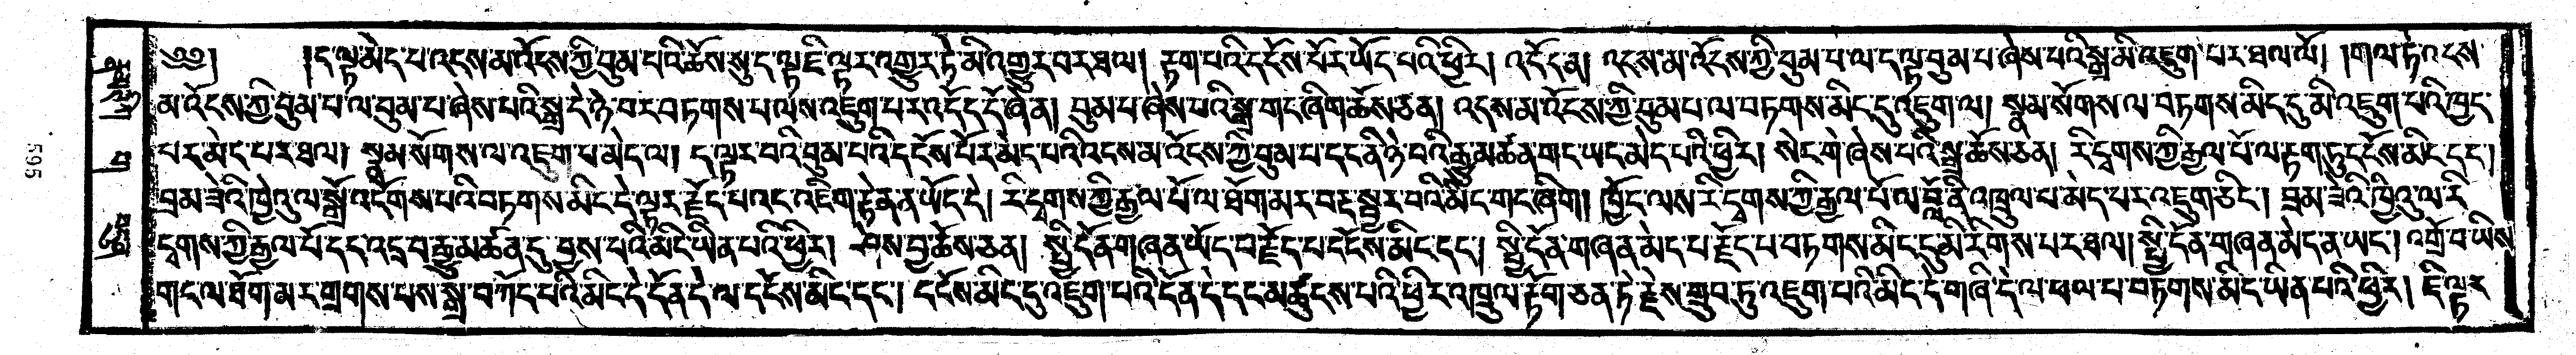༄༅། །ད་ལྟ་མེད་པ་འདས་མ་འོངས་ཀྱི་བུམ་པའི་ཆོས་སུ་ད་ལྟ་ཇི་ལྟར་འགྱུར་ཏེ་མི་འགྱུར་བར་ཐལ། རྟག་པའི་དངོས་པོར་ཡོད་པའི་ཕྱིར། འདོད་ན། འདས་མ་འོངས་ཀྱི་བུམ་པ་ལ་ད་ལྟ་བུམ་པ་ཞེས་པའི་སྒྲ་མི་འཇུག་པར་ཐལ་ལོ། །གལ་ཏེ་འདས་
མ་འོངས་ཀྱི་བུམ་པ་ལ་བུམ་པ་ཞེས་པའི་སྒྲ་དེ་ཉེ་བར་བཏགས་པ་ལས་འཇུག་པར་འདོད་དོ་ཞེ་ན། བུམ་པ་ཞེས་པའི་སྒྲ་གང་ཞིག་ཆོས་ཅན། འདས་མ་འོངས་ཀྱི་བུམ་པ་ལ་བཏགས་མིང་དུ་འཇུག་ལ། སྣམ་སོགས་ལ་བཏགས་མིང་དུ་མི་འཇུག་པའི་ཁྱད་
པར་མེད་པར་ཐལ། སྣམ་སོགས་ལ་འཇུག་པ་མེད་ལ། ད་ལྟར་བའི་བུམ་པའི་དངོས་པོར་མེད་པའི་འདས་མ་འོངས་ཀྱི་བུམ་པ་དང་ནི་ཉེ་བའི་རྒྱུ་མཚན་གང་ཡང་མེད་པའི་ཕྱིར། སེང་གེ་ཞེས་པའི་སྒྲ་ཆོས་ཅན། རི་དྭགས་ཀྱི་རྒྱལ་པོ་ལ་རྟག་ཏུ་དངོས་མིང་དང་།
བྲམ་ཟེའི་ཁྱེའུ་ལ་སྒྲོ་འདོགས་པའི་བཏགས་མིང་དེ་ལྟར་རྗོད་པའང་འཇིག་རྟེན་ན་ཡོད་དེ། རི་དྭགས་ཀྱི་རྒྱལ་པོ་ལ་ཐོག་མར་བརྡ་སྦྱར་བའི་མིང་གང་ཞིག། ཁྱོད་ལས་རི་དྭགས་ཀྱི་རྒྱལ་པོ་ལ་བློ་ནི་འཁྲུལ་པ་མེད་པར་འཇུག་ཅིང་། བྲམ་ཟེའི་ཁྱིའུ་ལ་རི་
དྭགས་ཀྱི་རྒྱལ་པོ་དང་འདྲ་བ་རྒྱུ་མཚན་དུ་བྱས་པའི་མིང་ཡིན་པའི་ཕྱིར། ཤེས་བྱ་ཆོས་ཅན། སྤྱི་དོན་གཞན་ཡོད་བརྗོད་པ་དངོས་མིང་དང་། སྦྱི་དོན་གཞན་མེད་པ་རྗོད་པ་བཏགས་མིང་དུ་མི་རིགས་པར་ཐལ། སྤྱི་དོན་གཞན་མེད་ན་ཡང་། འགྲོ་བ་ཡིས་
གང་ལ་ཐོག་མར་གྲགས་པས་སྒྲ་བཀོད་པའི་མིང་དེ་དོན་དེ་ལ་དངོས་མིང་དང་། དངོས་མིང་དུ་འཇུག་པའི་དོན་དེ་དང་མཚུངས་པའི་ཕྱིར་འཁྲུལ་རྟོག་ཅན་ཏེ་རྗེས་གྲུབ་ཏུ་འཇུག་པའི་མིང་དེ་གཞི་དེ་ལ་ཕལ་པ་བཏགས་མིང་ཡིན་པའི་ཕྱིར། ཇི་ལྟར་